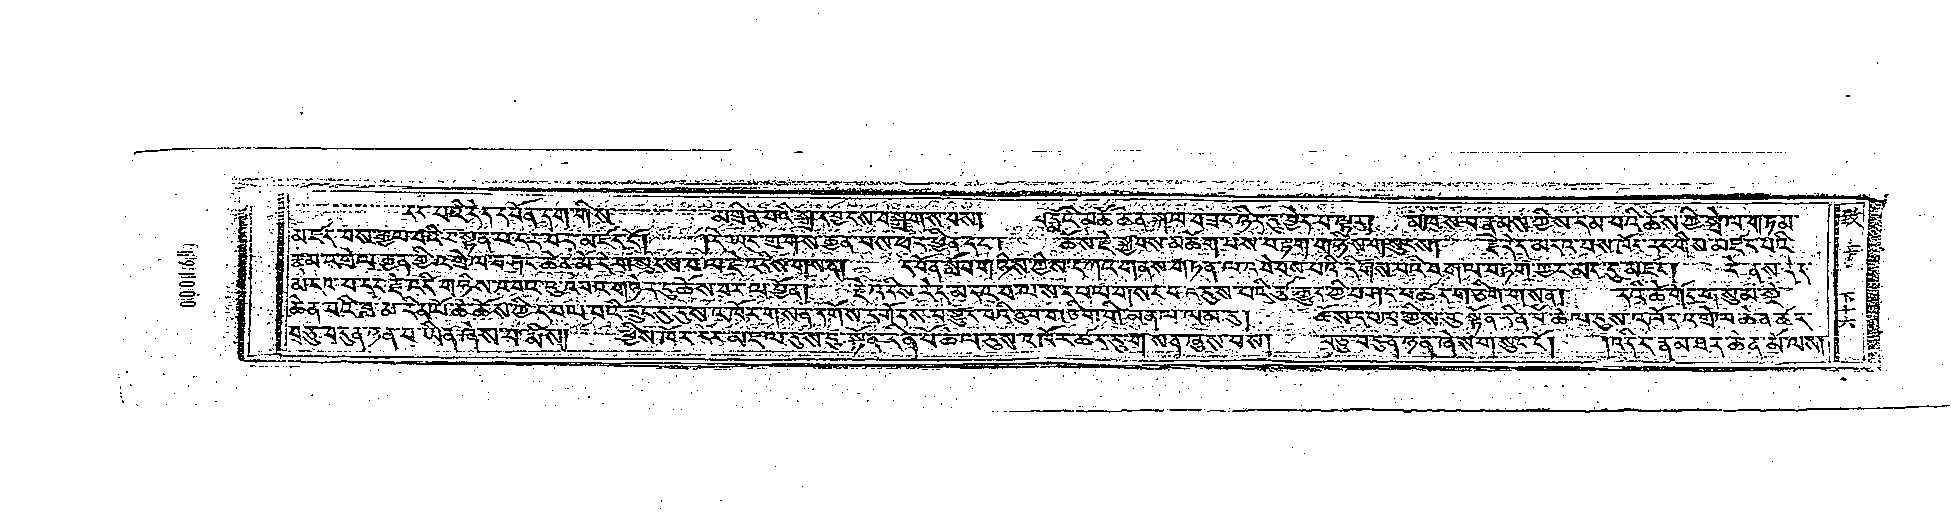་་་.དང་པའི་དེད་དཔོན་དག་གིས་མགྲིན་པའི་སྒྲ་དབྱངས་བསྒྲགས་བས། པདམོའི་མཚོ་ཆེན་སྐལ་བཟང་ཉིད་དུ་བྱེད་པ་ལྟར། མཁས་བ་རྣམས་ཀྱིས་དམ་བའི་ཆོས་ཀྱི་སྤེལ་གཏམ་
མཛད་བས་རྒྱལ་བའི་བསྟན་པ་དར་བར་མཛད་དོ། །དེ་ཡང་གྲགས་རྒྱན་པས་ཕར་ཕྱིན་དང་། ཆོས་རྗེ་སྐྱབས་མཆོག་པས་བརྟག་གཉིས་གསུངས། རྗེ་རེད་མདའ་བས་ཁོང་རང་གིས་མཛད་པའི་
རྣམ་འགྲེལ་རྒྱན་གྱི་འགྲེལ་བཤད་ཆེན་མོ་དེ་གསུངས་བ་ལ་རྗེ་འདིས་གསན། དབོན་སློབ་གཉིས་ཀྱིས་དཀའ་གནས་གཏན་ལ་འབེབས་པའི་རིགས་པའི་བརྒལ་བརྟག་ཀྱང་མང་དུ་མཛད། དེ་ནས་རེད་
མདའ་བ་དང་རྗེ་འདི་གཉིས་འབའ་འུ་འབའ་གཉེར་དུ་ཆོས་བར་ལ་བྱོན། རྗེ་འདིས་རེད་མདའ་བ་ལས་དཔལ་གསང་བ་འདུས་པའི་རྩ་རྒྱུད་ཀྱི་བཤད་པ་ཚར་གཅིག་གསན། དའི་ཚེ་གོང་གསུམ་སྡེ་
ཆེན་བའི་བླ་མ་རིན་པོ་ཆེ་ཆོས་ཀྱི་དཔལ་བའི་དྲུང་དུ་དུས་འཁོར་གསན་དགོས་དགོངས་བ་བྱུང་བའི་ནུབ་གཅིག་གི་མནལ་ལམ་དུ། ཆོས་དཔལ་གྱིས་བུ་སྟོན་རིན་པོ་ཆེ་ལ་དུས་འཁོར་འགྲེལ་ཆེན་ཚར་
བཅུ་བདུན་ཉན་པ་ཡིན་ཞེས་བ་རྨིས། ཕྱིས་ཁོང་དང་མཇལ་དུས་བུ་སྟོན་རིན་པོ་ཆེ་ལ་དུས་འཁོར་ཚད་དུ་གསན་ཞུས་པས། བཅུ་བདུན་ཉན་ཞེས་གསུང་ངོ། །འདིར་རྣམ་ཐར་ཆེན་མོ་ལས།